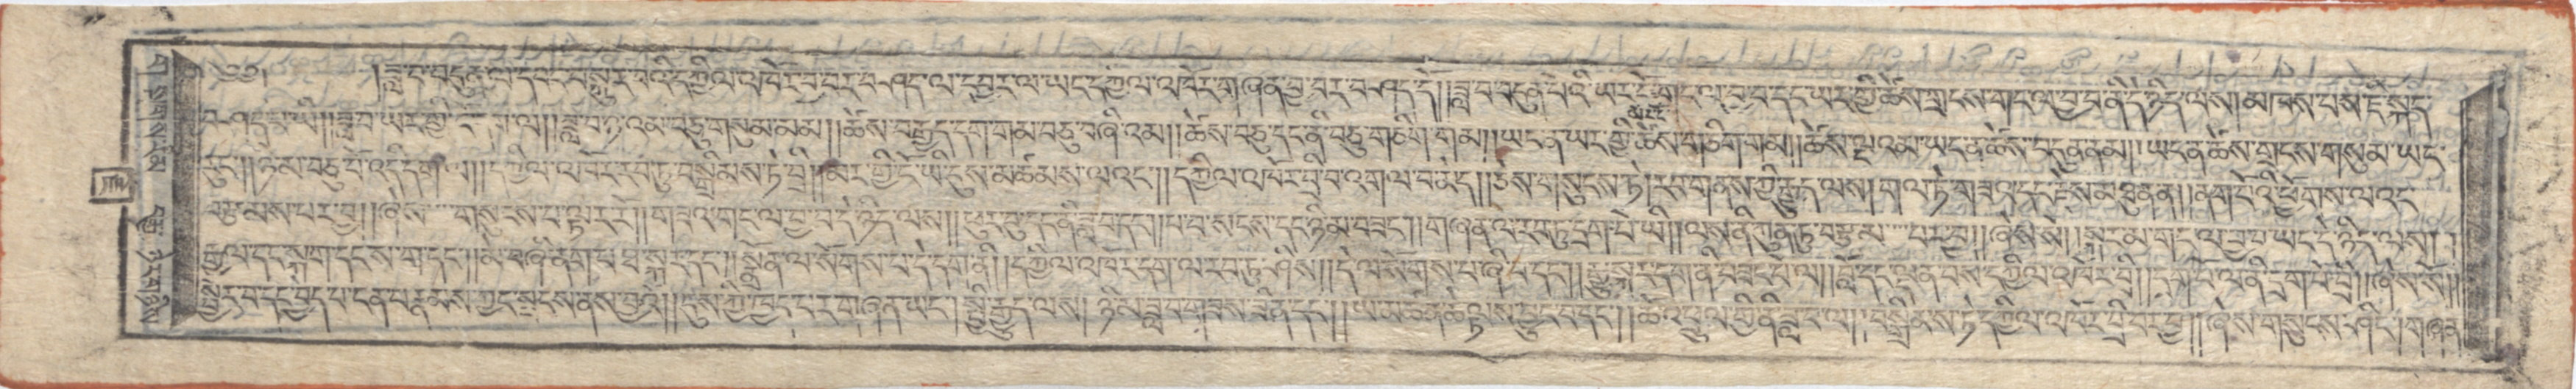༄༅། །ཟླ་བ་བདུན་ལ་དབང་བསྐུར་བའི་དཀྱིལ་འཁོར་བྱ་བར་བཤད་ལ་དབྱར་ལ་ཡང་དཀྱིལ་འཁོར་གཞན་བྱ་བར་བཤད་དོ། །ཟླ་བ་བདུན་པོའི་ཡར་ངོ་མང་ངོ་གང་ལ་བྱ་བ་དང་ཡར་གྱི་ཚེས་གྲངས་གང་ལ་བྱ་བ་ནི་དེ་ཉིད་ལས། མཁས་པས་ཇི་སྐད་
བཤད་པ་ཡི། །ཟླ་བ་ཡར་གྱི་ངོ་དག་ལ། །ཟླ་བ་ཉ་འམ་བཅུ་གསུམ་མམ། །ཚེས་བརྒྱད་དག་གམ་བཅུ་བཞི་འམ། །ཚེས་བཅུ་དང་ནི་བཅུ་གཅིག་གམ། །ཡང་ན་ཡར་གྱི་ཚེས་གཅིག་གམ། །ཚེས་ལྔའམ་ཡང་ན་ཚེས་བདུན་ནམ། །ཡང་ན་ཚེས་གྲངས་གསུམ་ཡང་
རུང་། །ཉི་མ་བཅུ་པོ་འདི་དག་ལ། །དཀྱིལ་འཁོར་རབ་ཏུ་བསྒྲིམས་ཏེ་བྲི། །མར་གྱི་ངོ་ཡི་དུས་མཚམས་ལའང་། །དཀྱིལ་འཁོར་བྲི་བ་འགལ་བ་མེད། །ཅེས་གསུངས་ཏེ། རབ་གནས་ཀྱི་རྒྱུད་ལས། གལ་ཏེ་གཟའ་དང་རྗེས་མཐུན་ན། །ནག་པོའི་ཕྱོགས་ལའང་
བརྩམས་པར་བྱ། །ཞེས་གསུངས་པ་ལྟར་རོ། །གཟའ་གང་ལ་བྱ་བ་དེ་ཉིད་ལས། །ཕུར་བུ་དང་ནི་ཟླ་བ་དང་། །པ་བ་སངས་དང་ཉི་མ་བཟང་། །གཞན་ལ་རབ་ཏུ་དྲག་པོ་ཡི། །ལས་ནི་ཀུན་ཏུ་བརྩམ་པར་བྱ། །ཞེས་སོ། །སྐར་མ་གང་ལ་བྱ་བ་ཡང་དེ་ཉིད་ལས། །
རྒྱལ་དང་སྐག་དང་ས་ག་དང་། །མེ་བཞི་ནག་པ་ཐ་སྐར་དང་། །སྣྲོན་ལ་སོགས་པ་དེ་དག་ནི། །དཀྱིལ་འཁོར་དག་ལ་རབ་ཏུ་ཤིས། །དེ་ལ་སོགས་པ་ཞི་བ་དང་། །རྒྱུ་སྐར་དག་ནི་བཟང་པོ་ལ། །བློ་དང་ལྡན་པས་དཀྱིལ་འཁོར་བྲི། །དྲག་པོ་ལ་ནི་དྲག་པོ་བྲི། །ཞེས་སོ། །
སྦྱོར་བ་དང་བྱེད་པ་ངན་པ་རྣམས་ཀྱང་སྤངས་ནས་བྱའོ། །དུས་ཀྱི་ཁྱད་པར་གཞན་ཡང་། སྤྱི་རྒྱུད་ལས། ཉི་མ་ཟླ་བ་གཟས་ཟིན་དང་། །ཡ་མཚན་ཆེ་ལྟས་བྱུང་བ་དང་། །ཆོ་འཕྲུལ་གྱི་ནི་ཟླ་བ་ལ། །བསྒྲིམས་ཏེ་དཀྱིལ་འཁོར་བྲི་བར་བྱ། །ཞེས་གསུངས་ཤིང་། གཞན་